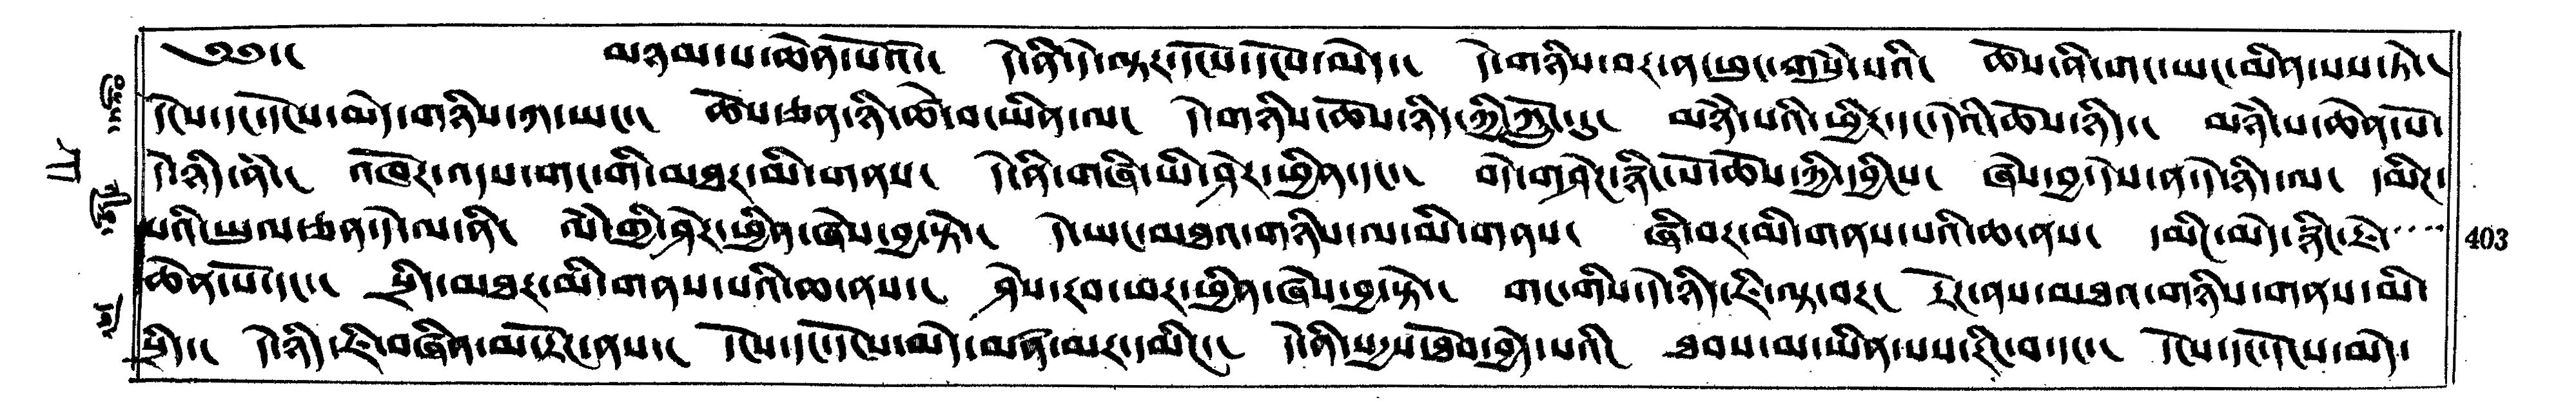མཉམ་པ་ཆེན་པོའོ། །དེ་ནི་དེ་ལྟར་དངོས་དངོས་མེད། །དེ་གཉིས་བར་ན་ཕུང་གསུམ་པའི། །ཆོས་ནི་གང་ཡང་མིན་པས་ཏེ། །
དངོས་དང་དངོས་མེད་གཉིས་ཀ་ཡང་། །ཆོས་ཅན་ཉི་ཚེ་བ་ཡིན་ལ། །དེ་གཉིས་ཆོས་ཉིད་ཀྱི་ཀློང་དུ། །མཉམ་པའི་ཕྱིར་དང་དེའི་ཆོས་ཉིད། །མཉམ་པ་ཆེན་པོ་
དེ་ཉིད་ནི། །འཁོར་འདས་གང་གི་མཐར་མི་གནས། །དེ་ནི་གཞི་ཡི་ཤེར་ཕྱིན་དང་། །བདེ་གཤེགས་སྙིང་པོ་ཆོས་ཀྱི་དབྱིངས། །ཞེས་བྱ་དེས་ན་དེ་ཉིད་ལ། །དམིགས་
པའི་ཡུལ་ཅན་དེ་ལ་ནི། །ལམ་གྱི་ཤེར་ཕྱིན་ཞེས་བྱ་སྟེ། །དེ་ཡང་མཐའ་གཉིས་ལ་མི་གནས། །ཞི་བར་མི་གནས་པའི་ཆ་ནས། །དམིགས་མེད་སྙིང་རྗེ་
ཆེན་པོ་དང་། །སྲིད་མཐར་མི་གནས་པའི་ཆ་ནས། །ཤེས་རབ་ཕར་ཕྱིན་ཞེས་བྱ་སྟེ། །གང་གིས་དེ་ཉིད་ཇི་ལྟ་བར། །རྟོགས་ནས་མཐའ་གཉིས་གནས་མི་
སྲིད། །དེ་ཉིད་ཇི་བཞིན་མ་རྟོགས་ནས། །དངོས་དང་དངོས་མེད་མཚན་མར་དམིགས། །དེ་ནི་སངས་རྒྱས་ཐོབ་བྱེད་པའི། །ཐབས་མ་ཡིན་པས་རིང་བ་དང་། །དངོས་དང་དངོས་མེད་